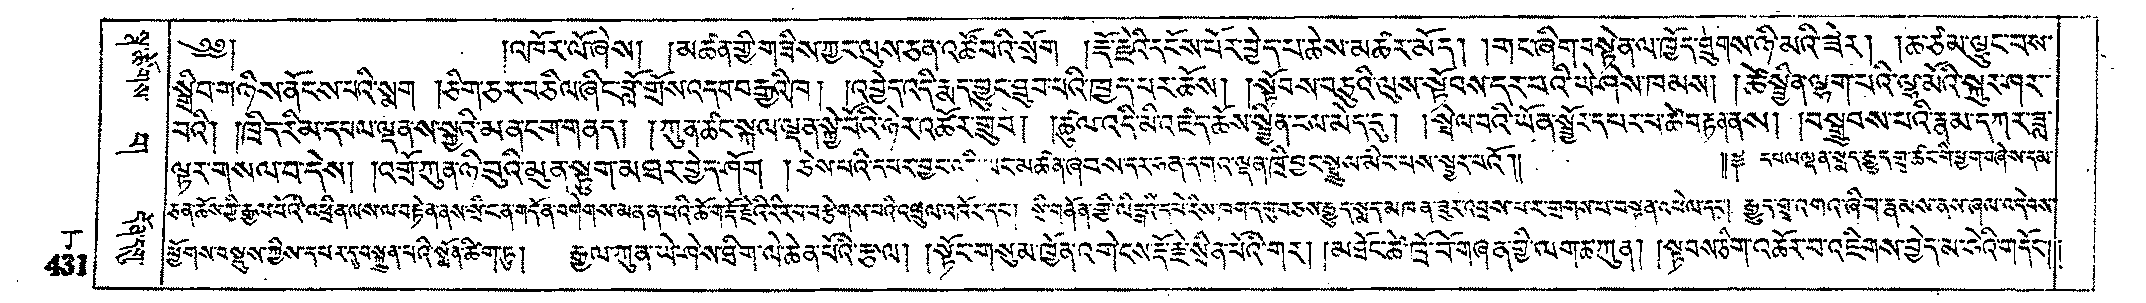༄༅། །འཁོར་ལོ་ཞེས། །མཚན་གྱི་གཟིས་ཀྱང་ལུས་ཅན་འཚོ་བའི་སྲོག །རྡོ་རྗེའི་དངོས་པོར་བྱེད་པ་ཆེས་མཚར་མོད། །གང་ཞིག་བསྟེན་ལ་ཁྱོད་ཐུགས་ཉི་མའི་ཟེར། །ཆ་ཙམ་ལྷུང་བས་
སྒྲིབ་གཉིས་ནོངས་པའི་སྨག །ཅིག་ཅར་བཅིལ་ཞིང་བློ་གྲོས་འདབ་བརྒྱའི་ཁ། །འབྱེད་འདི་རྨད་བྱུང་ཐུབ་པའི་ཁྱད་པར་ཆོས། །སྟོབས་བཅུའི་ལུས་སྟོབས་དར་པའི་ཡེ་ཤེས་ཁམས། །ཚེ་སྦྱིན་ལྷག་པའི་ལྷ་མོའི་སྐུར་ཤར་་་
བའི། །ཁྲིད་རིམ་དཔལ་ལྡན་ས་སྐྱའི་མན་ངག་གནད། །ཀུན་ཚང་སྐལ་ལྡན་སྐྱེ་བོའི་ཉེར་འཚོར་གྲུབ། །ཚུལ་འདི་མི་འཛད་ཆོས་སྦྱིན་ངལ་མེད་དུ། །སྤེལ་བའི་ཡོན་སྦྱོར་དཔར་པ་ཚེ་བརྟན་ནས། །བསྒྲུབས་པའི་རྣམ་དཀར་ཟླ་
ལྟར་གསལ་བ་དེས། །འགྲོ་ཀུན་ཉི་བུའི་མུན་སྟུག་མཐར་བྱེད་ཤོག །ཅེས་པའི་དཔར་བྱང་འདི་ཡང་མཚན་ཞབས་དར་ཧན་དགའ་ལྡན་ཁྲི་བྱང་སྤྲུལ་མིང་པས་སྦྱར་པའོ།། །།འ་དཔལ་ལྡན་སྨད་རྒྱུད་གྲྭ་ཚང་གི་ཕྱག་བཞེས་དམ་
ཅན་ཆོས་ཀྱི་རྒྱལ་པོའི་འཕྲིན་ལས་ལ་བརྟེན་ནས་སྲི་ངན་གདོན་བགེགས་མནན་པའི་ཆོ་ག་རྡོ་རྗེའི་རི་རབ་བརྩེགས་པའི་འཕྲུལ་འཁོར་དང་། སྲི་གནོན་གྱི་ལིངྒའི་དཔེ་རིས་ཁག་དགུ་བཅས་རྒྱུད་སྨད་མཁན་ཟུར་འབྲས་ཕ་ར་གྲགས་པ་བསྟན་འཕེལ་དང་། རྒྱུད་གྲྭ་འགའ་ཞིག་རྣམས་ནས་ཞལ་འདེབས་
ཕྱོགས་བསྡུས་ཀྱིས་དཔར་དུ་བསྐྲུན་པའི་སྨོན་ཚིག་ཏུ། རྒྱལ་ཀུན་ཡེ་ཤེས་ཐིག་ལེ་ཆེན་པོའི་རྩལ། །སྟོང་གསུམ་ཁྱོན་འགེངས་རྡོ་རྗེ་སྲིན་པོའི་གར། །མཐོང་ཚེ་ཁྲོ་བོ་གཞན་གྱི་ལག་ཆ་ཀུན། །སྟབས་ཅིག་འཆོར་བ་འཇིགས་བྱེད་མ་ཧེའི་གདོང།།